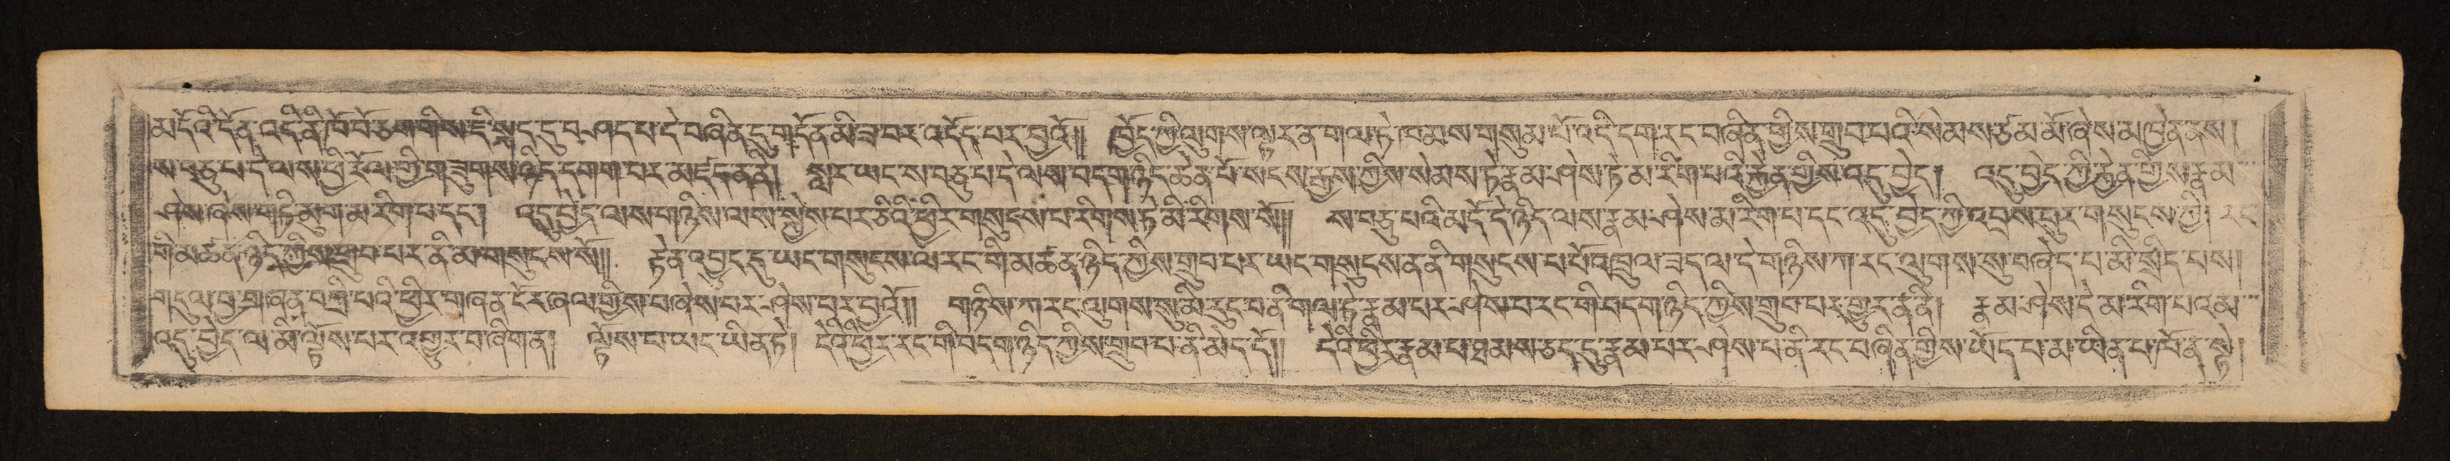མདོའི་དོན་འདི་ནི་ཁོ་བོ་ཅག་གིས་ཇི་སྐད་དུ་བཤད་པ་དེ་བཞིན་དུ་གདོན་མི་ཟ་བར་འདོད་པར་བྱའོ།། ཁྱོད་ཀྱི་ལུགས་ལྟར་ན་གལ་ཏེ་ཁམས་གསུམ་པོ་འདི་དག་རང་བཞིན་གྱིས་གྲུབ་པའི་སེམས་ཙམ་མོ་ཞེས་མཁྱེན་ནས།
ས་བཅུ་པ་དེ་ལས་ཕྱི་རོལ་གྱི་གཟུགས་ཉིད་དགག་པར་མཛད་ན་ནི། སླར་ཡང་ས་བཅུ་པ་དེ་ལས་བདག་ཉིད་ཆེན་པོ་སངས་རྒྱས་ཀྱིས་སེམས་ཏེ་རྣམ་ཤེས་ཏེ་མ་རིག་པའི་རྐྱེན་གྱིས་འདུ་བྱེད། འདུ་བྱེད་ཀྱི་རྐྱེན་གྱིས་རྣམ་
ཤེས་ཞེས་གཏི་མུག་མ་རིག་པ་དང་། འདུ་བྱེད་ལས་གཉིས་ལས་སྐྱེས་པར་ཅིའི་ཕྱིར་གསུངས་པ་རིགས་ཏེ་མི་རིགས་སོ།། ས་བཅུ་པའི་མདོ་དེ་ཉིད་ལས་རྣམ་ཤེས་མ་རིག་པ་དང་འདུ་བྱེད་ཀྱི་འབྲས་བུར་གསུངས་ཀྱི། རང་
གི་མཚན་ཉིད་ཀྱིས་གྲུབ་པར་ནི་མ་གསུངས་སོ།། རྟེན་འབྱུང་དུ་ཡང་གསུངས་ལ་རང་གི་མཚན་ཉིད་ཀྱིས་གྲུབ་པར་ཡང་གསུངས་ན་ནི་གསུངས་པ་པོ་འཁྲུལ་ཟད་ལ་དེ་གཉིས་ཀ་རང་ལུགས་སུ་བཞེད་པ་མི་སྲིད་པས།
གདུལ་བྱ་གཞན་བཀྲི་པའི་ཕྱིར་གཞན་ངོར་ཞལ་གྱིས་བཞེས་པར་ཤེས་པར་བྱའོ།། གཉིས་ཀ་རང་ལུགས་སུ་མི་རུང་བ་ནི་གལ་ཏེ་རྣམ་པར་ཤེས་པ་རང་གི་བདག་ཉིད་ཀྱིས་གྲུབ་པར་གྱུར་ན་ནི། རྣམ་ཤེས་དེ་མ་རིག་པའམ་
འདུ་བྱེད་ལ་མི་ལྟོས་པར་འགྱུར་བ་ཞིག་ན། ལྟོས་པ་ཡང་ཡིན་ཏེ། དེའི་ཕྱིར་རང་གི་བདག་ཉིད་ཀྱིས་གྲུབ་པ་ནི་མེད་དོ།། དེའི་ཕྱིར་རྣམ་པ་ཐམས་ཅད་དུ་རྣམ་པར་ཤེས་པ་ནི་རང་བཞིན་གྱིས་ཡོད་པ་མ་ཡིན་པ་ཁོ་ན་སྟེ།